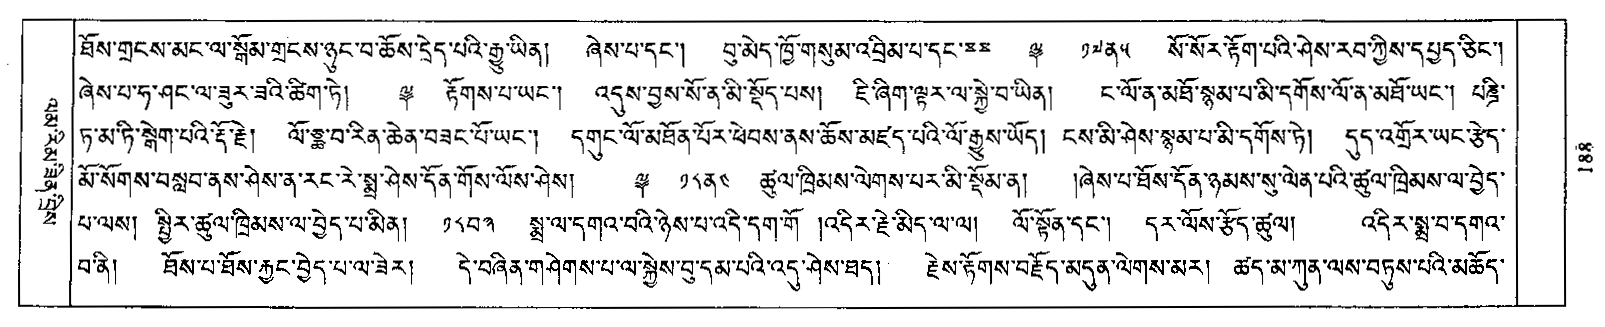ཐོས་གྲངས་མང་ལ་སྒོམ་གྲངས་ཉུང་བ་ཆོས་དྲེད་པའི་རྒྱུ་ཡིན། ཞེས་པ་དང་། བུ་མེད་ཁྱོ་གསུམ་འབྲིམ་པ་དང་༈ ༡༧་ན ༥་སོ་སོར་རྟོག་པའི་ཤེས་རབ་ཀྱིས་དཔྱད་ཅིང་།
ཞེས་པ་ཧ་ཤང་ལ་ཟུར་ཟའི་ཚིག་ཏེ། ༈ རྟོགས་པ་ཡང་། འདུས་བྱས་སོ་ན་མི་སྡོད་པས། ཇི་ཞིག་ལྟར་ལ་སྐྱེ་བ་ཡིན། ང་ལོ་ན་མཐོ་སྙམ་པ་མི་དགོས་ལོ་ན་མཐོ་ཡང་། པཎྜི་
ཏ་མ་ཏི་སྒེག་པའི་རྡོ་རྗེ། ལོ་ཙྪ་བ་རིན་ཆེན་བཟང་པོ་ཡང་། དགུང་ལོ་མཐོན་པོར་ཕེབས་ནས་ཆོས་མཛད་པའི་ལོ་རྒྱུས་ཡོད། ངས་མི་ཤེས་སྙམ་པ་མི་དགོས་ཏེ། དུད་འགྲོར་ཡང་རྩེད་
མོ་སོགས་བསླབ་ནས་ཤེས་ན་རང་རེ་སྨྲ་ཤེས་དོན་གོས་ལོས་ཤེས། ༈ ༡༨་ན ༤་ཚུལ་ཁྲིམས་ལེགས་པར་མི་སྡོམ་ན། །ཞེས་པ་ཐོས་དོན་ཉམས་སུ་ལེན་པའི་ཚུལ་ཁྲིམས་ལ་བྱེད་
པ་ལས། སྤྱིར་ཚུལ་ཁྲིམས་ལ་བྱེད་པ་མིན། ༡༨་བ ༣་སྨྲ་ལ་དགའ་བའི་ཉེས་པ་འདི་དག་གོ །འདིར་རྗེ་མིད་ལ་ལ། ལོ་སྟོན་དང་། དར་ལོས་རྩོད་ཚུལ། འདིར་སྨྲ་བ་དགའ་
བ་ནི། ཐོས་པ་ཐོས་རྐྱང་བྱེད་པ་ལ་ཟེར། དེ་བཞིན་གཤེགས་པ་ལ་སྐྱེས་བུ་དམ་པའི་འདུ་ཤེས་ཐད། རྗེས་རྟོགས་བརྗོད་མདུན་ལེགས་མར། ཚད་མ་ཀུན་ལས་བཏུས་པའི་མཆོད་